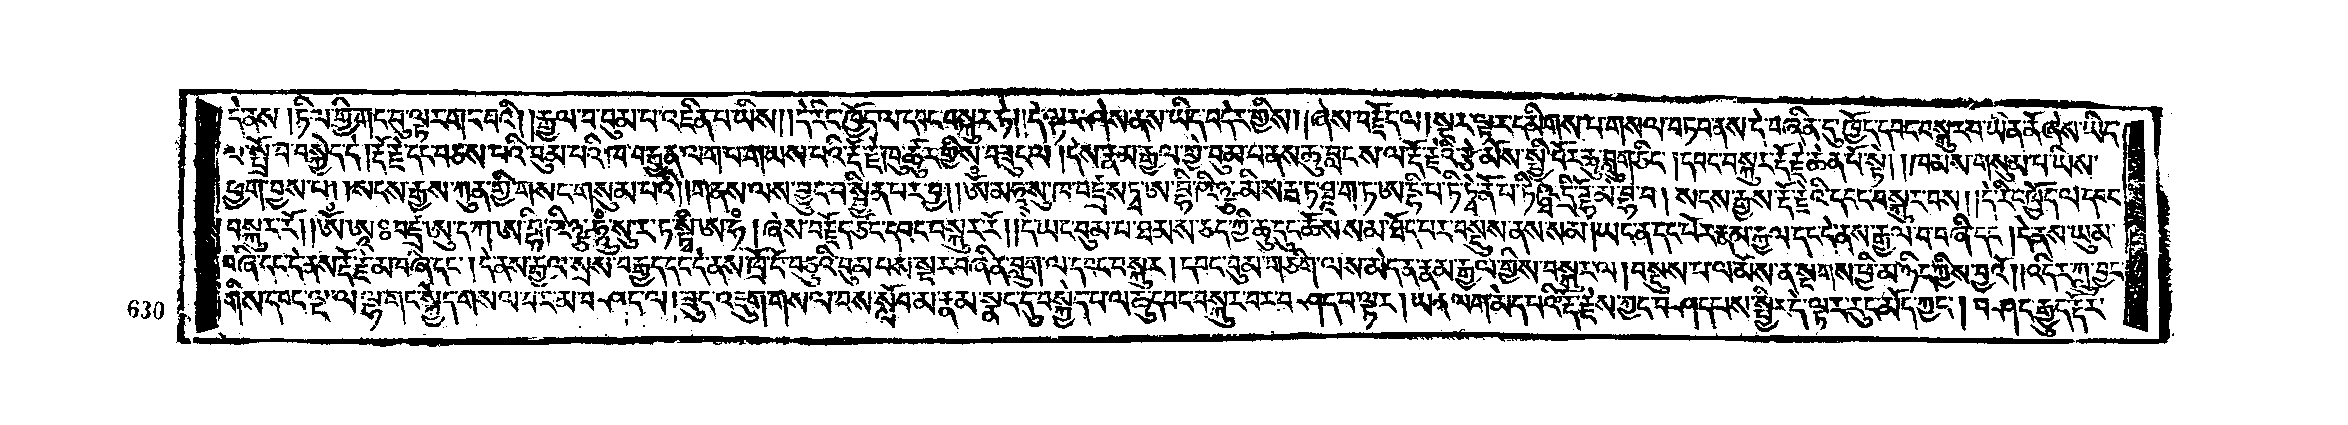དེ་ནས་།ཏིལ་གྱི་གང་བུ་ལྟར་གང་བའི། །རྒྱལ་བ་བུམ་པ་འཛིན་པ་ཡིས། །དེ་རིང་ཁྱོད་ལ་དབང་བསྐུར་ཏེ། །དེ་ལྟར་ཤེས་ནས་ཡིད་བདེར་གྱིས། །ཞེས་བརྗོད་ལ། སྔར་ལྟར་དམིགས་པ་གསལ་བཏབ་ནས་དེ་བཞིན་དུ་ཁྱོད་དབང་བསྐུར་བ་ཡིན་ནོ་ཞེས་ཡིད་
ལ་སྤྲོ་བ་བསྐྱེད་དེ། རྡོ་རྗེ་དང་བཅས་པའི་བུམ་པའི་ཁ་བརྒྱན་ལག་པ་གཡས་པའི་རྡོ་རྗེ་ཁུ་ཚུར་གྱིས་བཟུང་ལ་།དེས་རྣམ་རྒྱལ་གྱི་བུམ་པ་ནས་ཆུ་བླངས་ལ་རྡོ་རྗེའི་རྩེ་མོས་སྤྱི་བོར་ཆུ་བླུག་ཅིང་།དབང་བསྐུར་རྡོ་རྗེ་ཆེན་པོ་སྟེ། །ཁམས་གསུམ་པ་ཡིས་
ཕྱག་བྱས་པ། །སངས་རྒྱས་ཀུན་གྱི་གསང་གསུམ་པའི། །གནས་ལས་བྱུང་བ་སྦྱིན་པར་བྱ། །ཨོཾ་མ་ཧཱ་སུ་ཁ་བཛྲ་སཏྭ་ཨ་བྷི་ཥི་ཉྩ་མི་སརྦ་ཏ་ཐཱ་ག་ཏ་ཨ་དྷི་པ་ཏི་ཏྭེ་ནོ་པ་ཏིཥྠ་དྲི་ཌྷོ་མེ་བྷ་བ། སངས་རྒྱས་རྡོ་རྗེའི་དབང་བསྐུར་བས། །དེ་རིང་ཁྱོད་ལ་དབང་
བསྐུར་རོ། །ཨོཾ་ཨཱཿ བཛྲ་ཨུ་ད་ཀ་ཨ་བིཧ་ཥི་ཉྩ་ཧཱུཾ་སུ་ར་ཏ་སྟྭཾ་ཨ་ཧཾ། ཞེས་བརྗོད་ཅིང་དབང་བསྐུར་རོ། །དེ་ཡང་བུམ་པ་ཐམས་ཅད་ཀྱི་ཆུ་དུང་ཆོས་ས་མ་ཐོད་པར་བསྡུས་ནས་ས་།ཡང་ན་དང་པོར་རྣམ་རྒྱལ་དང་དེ་ནས་རྒྱལ་བ་བཞི་དང་།དེ་ནས་ཡུམ་
བཞི་དང་དེ་ནས་རྡོ་རྗེ་མ་བཞི་དང་། དེ་ནས་རྒྱལ་སྲས་བརྒྱད་དང་དེ་ནས་ཁྲོ་བོ་བཅུའི་བུམ་པས་སྔར་བཞིན་བླུག་ལ་དབང་བསྐུར། དབང་བུམ་གཅིག་ལས་མེད་ན་རྣམ་རྒྱལ་གྱིས་བསྐུར་ལ། བསྡུས་པ་ལ་མོས་ན་སྔགས་ཕྱི་མ་ཉིད་ཀྱིས་བྱའོ། །འདིར་ཀླུ་བྱང་
གིས་དབང་ལྔ་ལ་ལྷ་གང་སྐྱེད་གསལ་བར་མ་བཤད་ལ། ཟུང་འཇུག་གསལ་བས་སློབ་མ་རྣམ་སྣང་དུ་བསྐྱེད་པ་ལ་ཆུ་དབང་བསྐུར་བར་བཤད་པ་ལྟར། ཡན་ལག་མེད་པའི་རྡོ་རྗེས་ཀྱང་བཤད་པས་སྤྱིར་དེ་ལྟར་རུང་མོད་ཀྱང་། བཤད་རྒྱུད་རྡོར་